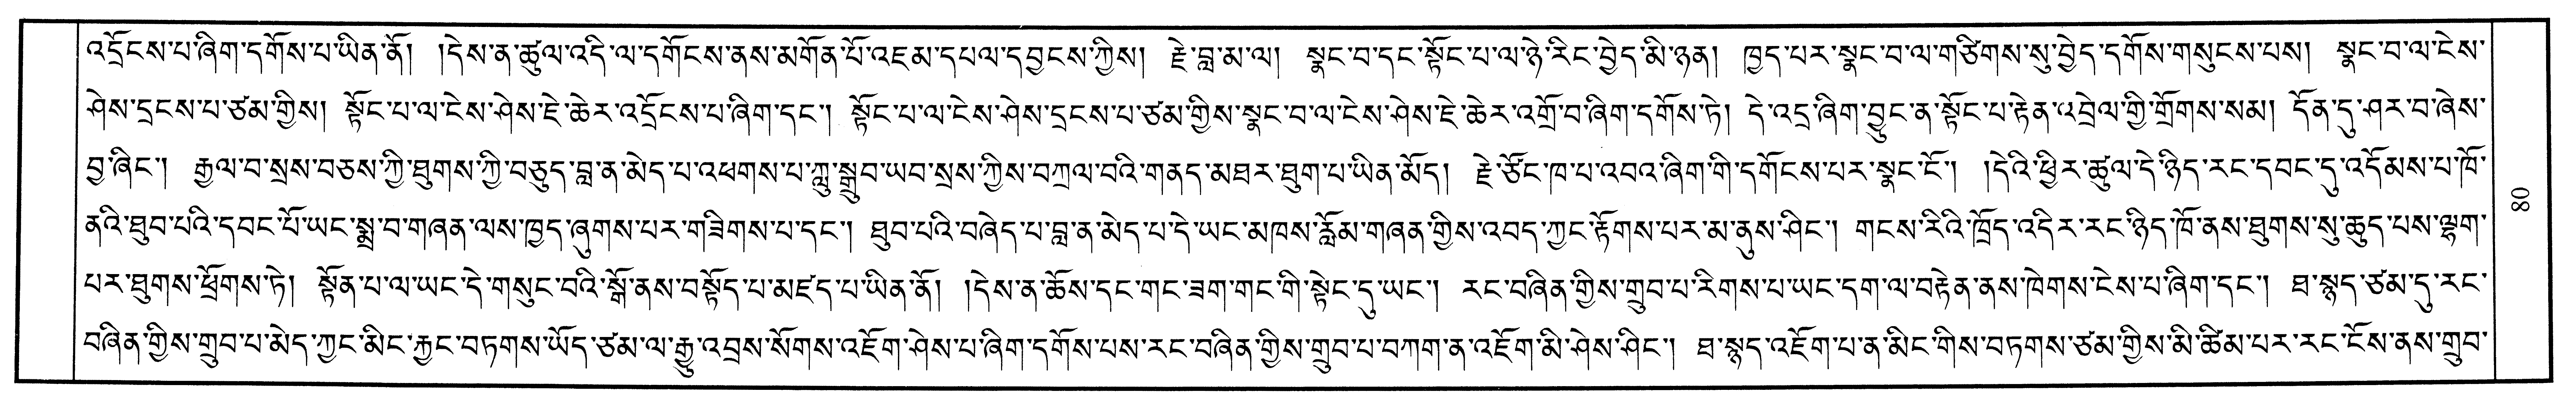འདྲོངས་པ་ཞིག་དགོས་པ་ཡིན་ནོ། །དེས་ན་ཚུལ་འདི་ལ་དགོངས་ནས་མགོན་པོ་འཇམ་དཔལ་དབྱངས་ཀྱིས། རྗེ་བླ་མ་ལ། སྣང་བ་དང་སྟོང་པ་ལ་ཉེ་རིང་བྱེད་མི་ཉན། ཁྱད་པར་སྣང་བ་ལ་གཙིགས་སུ་བྱེད་དགོས་གསུངས་པས། སྣང་བ་ལ་ངེས་
ཤེས་དྲངས་པ་ཙམ་གྱིས། སྟོང་པ་ལ་ངེས་ཤེས་ཇེ་ཆེར་འདྲོངས་པ་ཞིག་དང་། སྟོང་པ་ལ་ངེས་ཤེས་དྲངས་པ་ཙམ་གྱིས་སྣང་བ་ལ་ངེས་ཤེས་ཇེ་ཆེར་འགྲོ་བ་ཞིག་དགོས་ཏེ། དེ་འདྲ་ཞིག་བྱུང་ན་སྟོང་པ་རྟེན་འབྲེལ་གྱི་གྲོགས་སམ། དོན་དུ་ཤར་བ་ཞེས་
བྱ་ཞིང་། རྒྱལ་བ་སྲས་བཅས་ཀྱི་ཐུགས་ཀྱི་བཅུད་བླ་ན་མེད་པ་འཕགས་པ་ཀླུ་སྒྲུབ་ཡབ་སྲས་ཀྱིས་བཀྲལ་བའི་གནད་མཐར་ཐུག་པ་ཡིན་མོད། རྗེ་ཙོང་ཁ་པ་འབའ་ཞིག་གི་དགོངས་པར་སྣང་ངོ། །དེའི་ཕྱིར་ཚུལ་དེ་ཉིད་རང་དབང་དུ་འདོམས་པ་ཁོ་
ནའི་ཐུབ་པའི་དབང་པོ་ཡང་སྨྲ་བ་གཞན་ལས་ཁྱད་ཞུགས་པར་གཟིགས་པ་དང་། ཐུབ་པའི་བཞེད་པ་བླ་ན་མེད་པ་དེ་ཡང་མཁས་རློམ་གཞན་གྱིས་འབད་ཀྱང་རྟོགས་པར་མ་ནུས་ཤིང་། གངས་རིའི་ཁྲོད་འདིར་རང་ཉིད་ཁོ་ནས་ཐུགས་སུ་ཆུད་པས་ལྷག་
པར་ཐུགས་ཕྲོགས་ཏེ། སྟོན་པ་ལ་ཡང་དེ་གསུང་བའི་སྒོ་ནས་བསྟོད་པ་མཛད་པ་ཡིན་ནོ། །དེས་ན་ཆོས་དང་གང་ཟག་གང་གི་སྟེང་དུ་ཡང་། རང་བཞིན་གྱིས་གྲུབ་པ་རིགས་པ་ཡང་དག་ལ་བརྟེན་ནས་ཁེགས་ངེས་པ་ཞིག་དང་། ཐ་སྙད་ཙམ་དུ་རང་
བཞིན་གྱིས་གྲུབ་པ་མེད་ཀྱང་མིང་རྐྱང་བཏགས་ཡོད་ཙམ་ལ་རྒྱུ་འབྲས་སོགས་འཇོག་ཤེས་པ་ཞིག་དགོས་པས་རང་བཞིན་གྱིས་གྲུབ་པ་བཀག་ན་འཇོག་མི་ཤེས་ཤིང་། ཐ་སྙད་འཇོག་པ་ན་མིང་གིས་བཏགས་ཙམ་གྱིས་མི་ཚིམ་པར་རང་ངོས་ནས་གྲུབ་